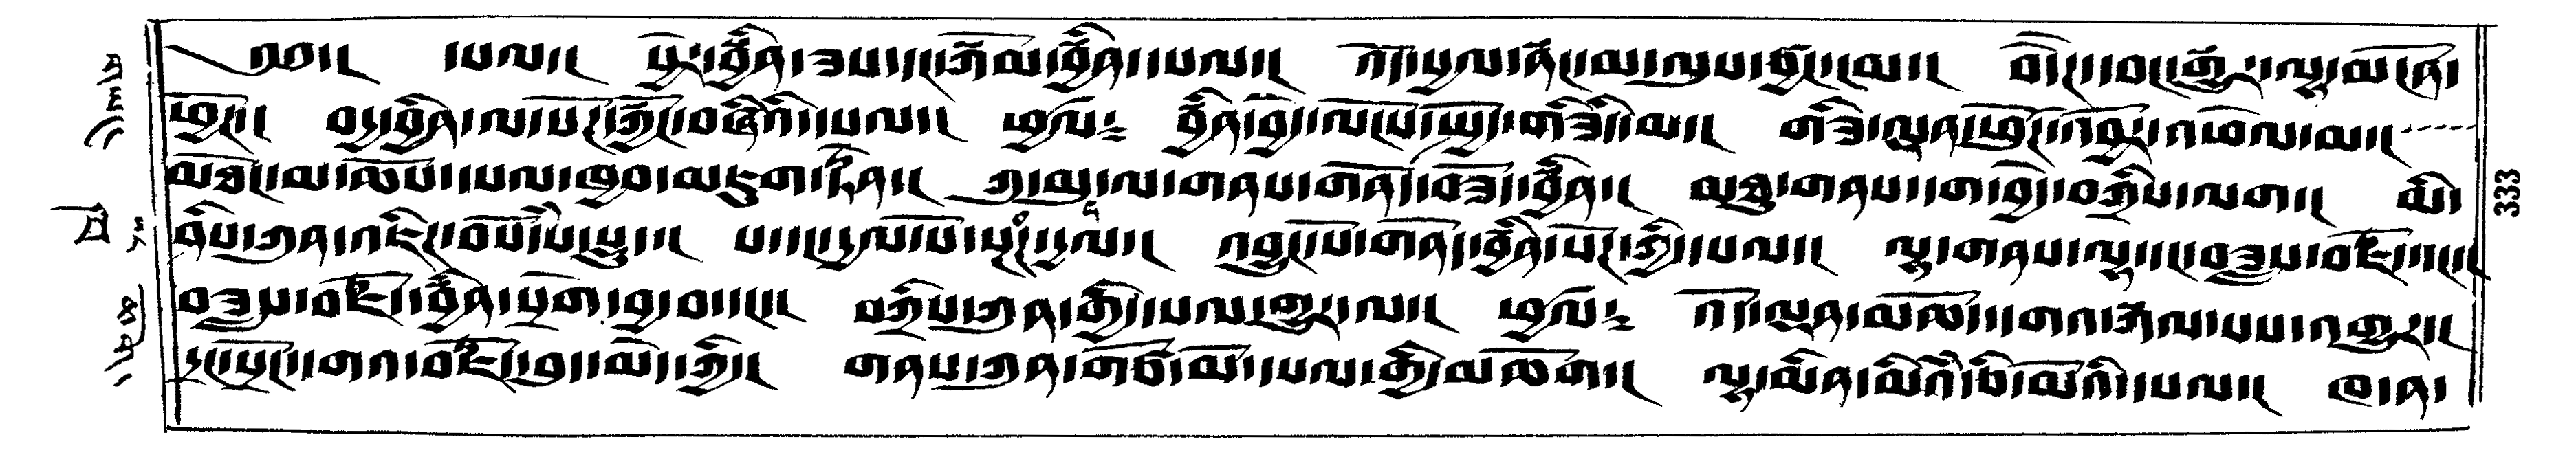དཔལ། །གསེར་སྦྱིན་ཟས་དང་སྒོམ་སྦྱིན་དཔལ། །འོད་གསལ་སྣང་མ་ལུས་གཙང་ངམ། །བདེ་གཤེགས་དབང་སྒྱུར་ལྷ་མངོན་
ཕྱོགས། །བརྒྱ་བྱིན་ལ་སོགས་སྐྱོང་བཞིའི་དཔལ། །ཕྱག་འཚལ༴ སྦྱིན་བྱེད་ལོངས་སྤྱོད་གཟི་བརྗིད་མ། །གཟི་ལྡན་ཕུན་ཚོགས་འབྱོར་འཕེལ་མ། །
མཐོང་མ་ཆོས་དཔལ་ཁྱབ་འཇུག་བསྟེན། །ཀུ་མུཏ་ལ་གནས་གནོད་བཟོད་སྦྱིན། །མཐུ་གནས་དག་བྱེད་བཀྲ་ཤིས་ལག། །མི་
ཤིས་ཀུན་འཇིག་བསོད་ནམས་སྡུད། །ས་དང་རྒྱལ་པོ་གསང་སྔགས་རྒྱལ། །འབྱུང་པོ་གནོད་སྦྱིན་སོགས་ཀྱི་དཔལ། །ལྷ་གནས་ལྷ་དང་བཟླས་བརྗོད་དང་། །
བཟླས་བརྗོད་སྦྱིན་སྲེག་བྱ་བ་དང་། །བཀྲ་ཤིས་ཀུན་ཀྱི་དཔལ་གྱུར་ལ། །ཕྱག་འཚལ༴ འོད་ལྡན་མཆོད་དགའ་སྐལ་པས་འགྱུར། 
དྲང་སྲོང་དགའ་བརྗོད་བུད་མེད་ཀྱི། །གནས་ཀུན་གཙོ་མོ་དཔལ་གྱི་མཆོག །ལྷ་མིན་མིའམ་ཅི་མོའི་དཔལ། །ཁ་ན་